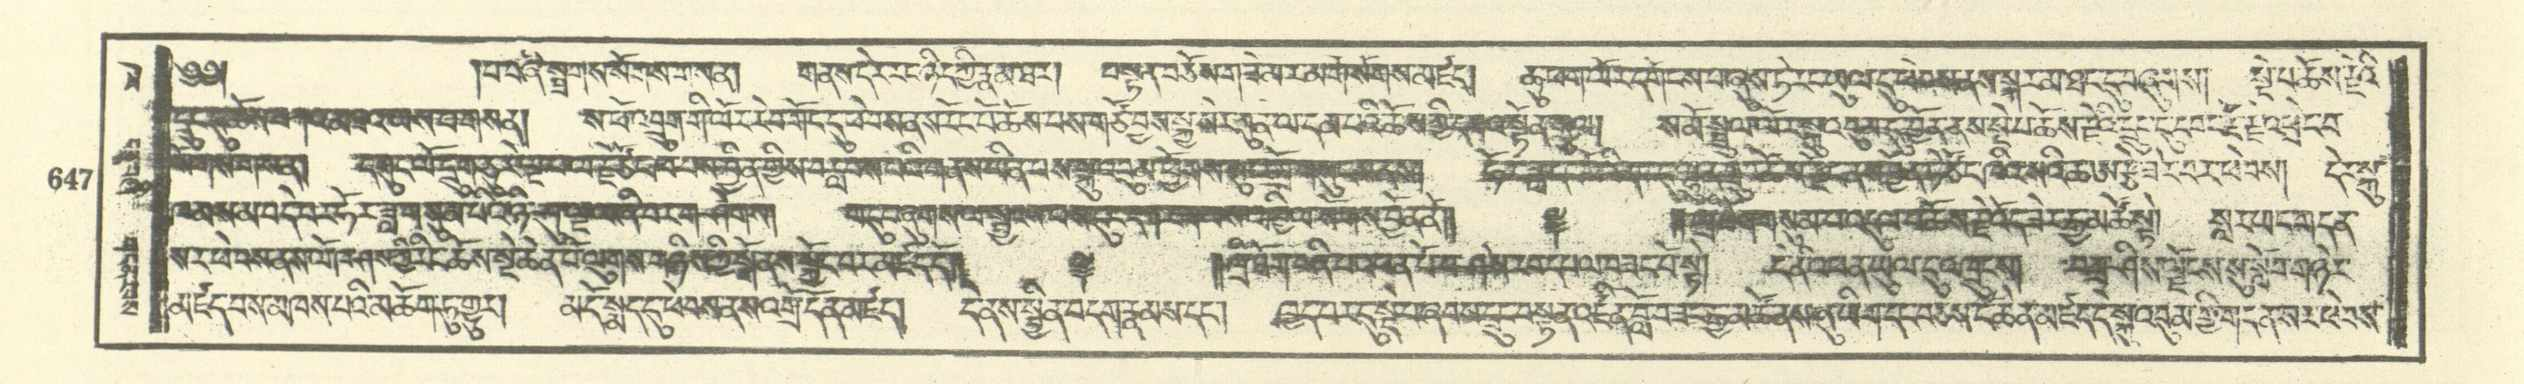༄༅། །པ་བཞི་སྦྲགས་སོགས་གསན། གནས་དེར་རང་ཉིད་ཀྱི་རྣམ་ཐར། བསྟན་བཅོས་གཟེ་མ་ར་མགོ་སོགས་མཛད། ཆུ་ཕག་ལོར་དགོངས་པ་ཞུས་ཏེ་རང་ཡུལ་དུ་ཕེབས་ནས་སྐར་མ་ཐང་དུ་བཞུགས། སྡེ་པ་ཆོས་རྗེའི་
དྲུང་དུ་ཆོས་བཀའ་མཐའ་ཡས་པ་གསན། ས་ཕོ་འབྲུག་གི་ལོར་རེབ་གོང་དུ་ཕེབས་ནས་རོང་པོ་ཆོས་པས་གཙོ་བྱས་སྐྱ་སེར་ཀུན་ལ་དམ་པའི་ཆོས་ཀྱི་དགའ་སྟོན་སྩལ། ས་མོ་སྦྲུལ་ལོར་སྐུ་འབུམ་དུ་བྱོན་ནས་སྡེ་པ་ཆོས་རྗེའི་དྲུང་དུ་དབང་རྡོ་རྗེ་འཕྲེང་བ་
སོགས་གསན། དགུང་ལོ་དྲུག་ཅུ་རེ་ལྔ་པ་ལ་རྗེ་ཙོང་ཁ་པས་བྱིན་གྱིས་བརླབས་པའི་གནས་ཡིན་པས་སྐུ་འབུམ་ཕྱོགས་སུ་འགྲོ་གསུངས་ནས། ཧོར་ཟླ་དང་པོའི་ནང་དུ་ལྷུན་གྲུབ་ཆོས་རྫོང་ནས་བྱོན་ཏེ་ཙོང་ཁའི་སའི་ཆ་ཨ་རྩེ་ཟེར་བར་ཕེབས། དེར་སྐུ་
ཁམས་མ་བདེ་བར་ཧོར་ཟླ་གསུམ་པའི་ཉི་ཤུ་ལྔ་ལ་ཞི་བར་གཤེགས། གདུང་ཞུགས་ལ་སྦྱངས་པས་དུང་དཀར་གཡས་འཁྱིལ་སོགས་བྱོན་ནོ།། ༈ །།ཁྲི་ཐོག་གསུམ་པ་འདུལ་བ་ཆོས་རྗེ་འོད་ཟེར་རྒྱ་མཚོ་སྟེ། སླར་ཡང་གདན་
སར་ཕེབས་ནས་ལོ་ཁ་ཤས་ཀྱི་རིང་ཆོས་སྡེ་ཆེན་པོ་ལུགས་གཉིས་ཀྱི་སྒོ་ནས་སྐྱོང་བར་མཛད་དོ།། ༈ །།ཁྲི་ཐོག་བཞི་པ་འཕན་པོ་བ་ཤེས་རབ་དཔལ་བཟང་པོ་སྟེ། དེ་ནི་འཕན་ཡུལ་དུ་འཁྲུངས། བཀྲ་ཤིས་ལྗོངས་སུ་སློབ་གཉེར་
མཛད་པས་མཁས་པའི་མཆོག་ཏུ་གྱུར། མདོ་སྨད་དུ་ཕེབས་ནས་འགྲོ་དོན་མཛད། དེ་ནས་སྦྱིན་བདག་རྣམས་དང་། ཁྱད་བར་དུ་སྡེ་བ་ཞབས་དྲུང་བསྟན་འཛིན་བློ་བཟང་རྒྱ་མཚོ་ནས་ཞུ་ཡིག་དང་བཅས་ང་ཆེན་མཛད་དེ་སྐུ་འབུམ་གྱི་གདན་སར་ཕེབས་